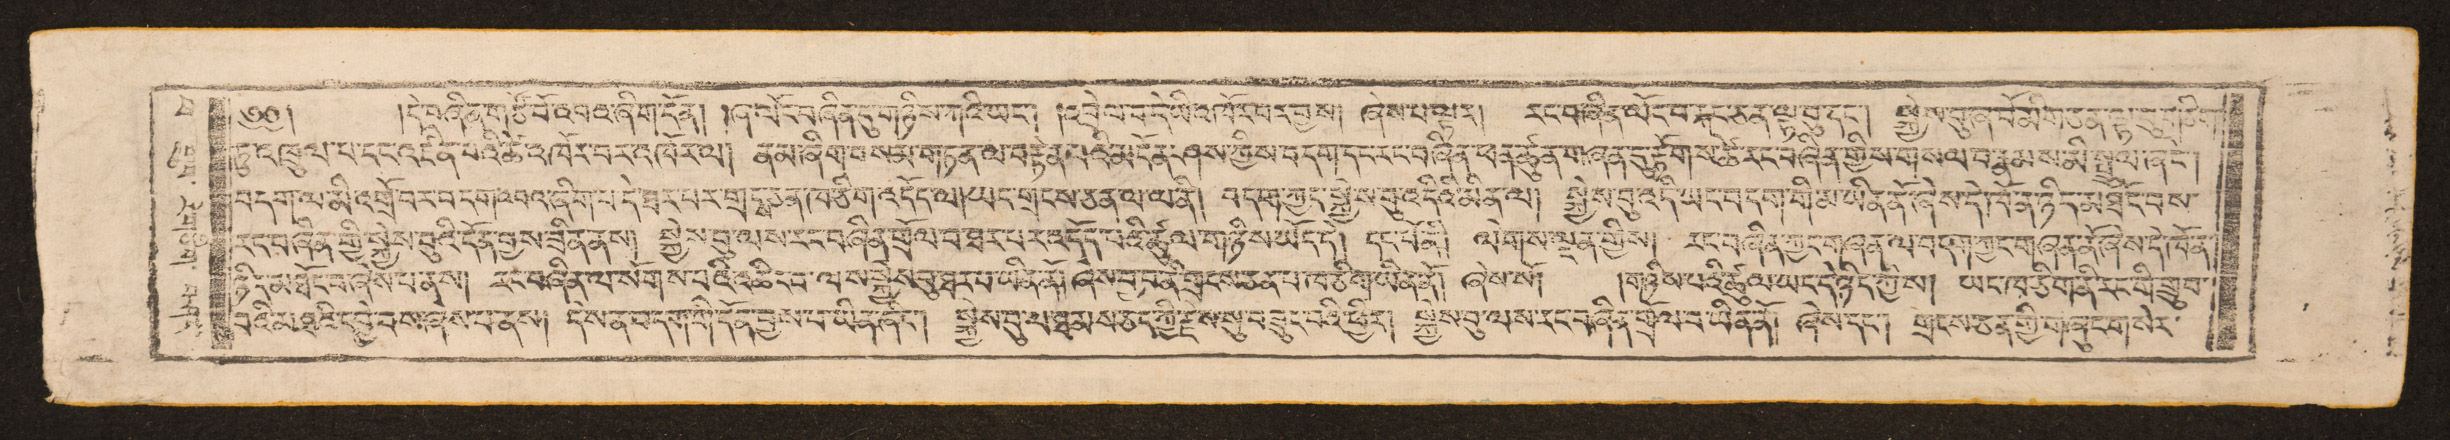༄༅། །དེ་བཞིན་གཙོ་བོ་འབའ་ཞིག་དོན། །ཞ་ལོང་བཞིན་དུ་གཉིས་ཀའི་ཡང་། །འབྲེལ་བ་དེ་ཡི་འཁོར་བར་བྱས། ཞེས་བལྟར། རང་བཞིན་ལོང་པ་རྐང་ཅན་ལྟ་བུ་དང་། སྐྱེས་བུ་ཞ་བོ་མིག་ཅན་ལྟ་བུ་གཅིག་
ཏུ་འཁྲུལ་པ་དང་འཛིན་པའི་ཆེ་འཁོར་བར་འཁོར་ལ། ནམ་ཞིག་བསམ་གཏན་ལ་བརྟེན་པའི་མངོན་ཤེས་ཀྱིས་བདག་དང་རང་བཞིན་ཕན་ཚུན་གཞན་དུ་རྟོགས་ཚེ་རང་བཞིན་གྱིས་གསལ་བ་རྣམས་མི་སྦྲུལ་ཞིང་།
བདག་ལ་མི་འགྲོ་བར་བདག་འབའ་ཞིག་པ་དེ་ཐར་པར་གྲངས་ཅན་ཁ་ཅིག་འདོད་ལ། ཡང་གྲངས་ཅན་ལ་ལ་ནི། བདག་ཀྱང་སྐྱེས་བུ་འདིའི་མིན་ལ། སྐྱེས་བུ་འདི་ཡང་བདག་གི་མ་ཡིན་ནོ་ཞེས་དེ་ཁོ་ན་ཉིད་མཐོང་བས་
རང་བཞིན་གྱི་སྐྱེས་བུའི་དོན་བྱས་ཟིན་ནས། སྐྱེས་བུ་ལས་རང་བཞིན་གྲོལ་བ་ཐར་པར་འདོད་པའི་ཚུལ་གཉིས་ཡོད་དེ། དང་པོ་ནི། ལེགས་ལྡན་གྱིས། རང་བཞིན་ཀྱང་གཞན་ལ་བདག་ཀྱང་གཞན་ཡོ་ཞེས་དེ་ཁོ་ན་
ཉིད་མཐོང་བ་ཞེས་པ་ནས། རང་བཞིན་ལ་སོགས་པའི་འཆིང་བ་ལས་སྐྱེས་བུ་ཐར་པ་ཡིན་ནོ། ཞེས་བྱ་བ་ནི་གྲངས་ཅན་པ་ཁ་ཅིག་ཡིན་ནོ། ཞེས་སོ། །གཉིས་པའི་ཚུལ་ཡང་དེ་ཉིད་ཀྱིས། ཡང་ཁ་ཅིག་ནི་རང་གི་གྲུབ་
བའི་མཐའི་དབྱེ་བས་ཞེས་བ་ནས། དེས་ན་བདག་གི་དོན་བྱས་པ་ཡིན་ཞིང་། སྐྱེས་བུ་ལ་ཐམས་ཅད་ཀྱི་རྗེས་སུ་བཟུང་པའི་ཕྱིར། སྐྱེས་བུ་ལས་རང་བཞིན་གྲོལ་བ་ཡིན་ནོ། ཞེས་དང་། གྲངས་ཅན་གྱི་གཞུང་གསེར་